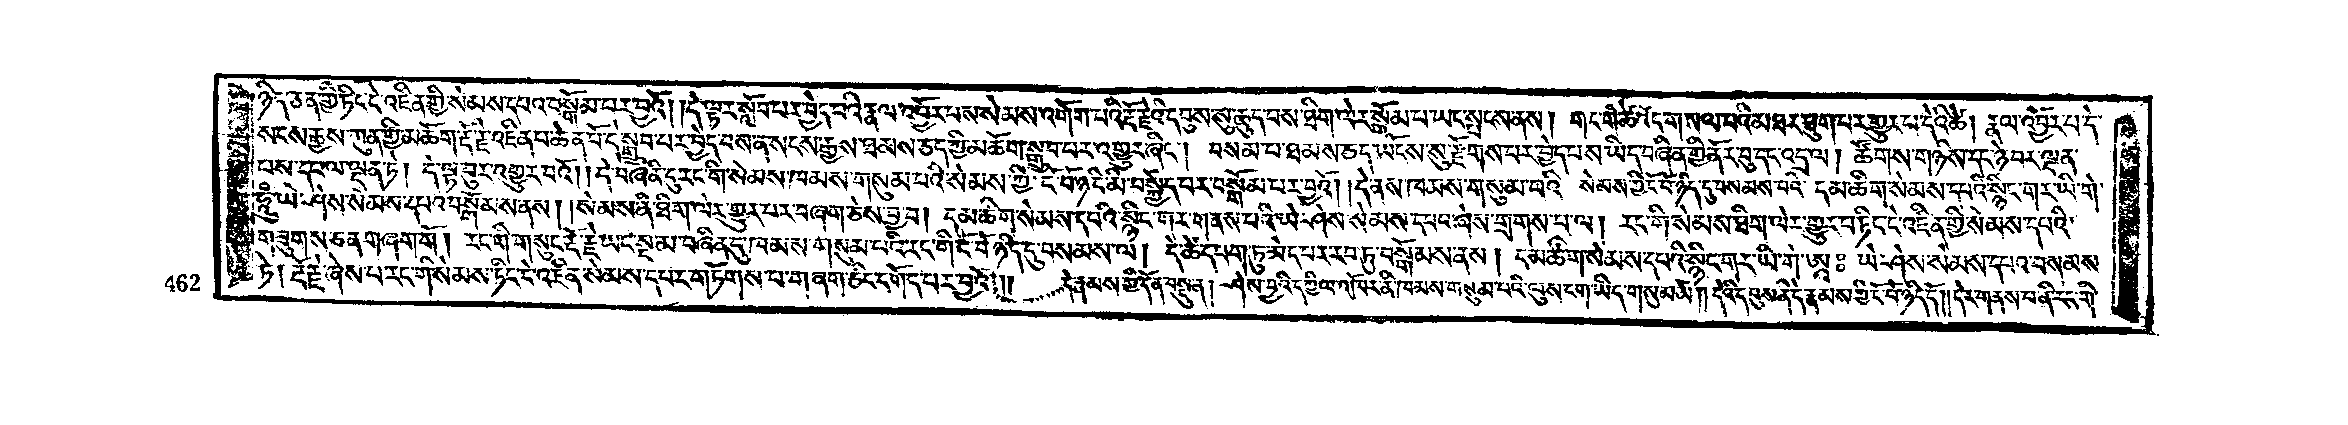ཉིད་ཅན་གྱི་ཏིང་ངེ་འཛིན་གྱི་སེམས་དཔའ་བསྒོམ་པར་བྱའོ། །དེ་ལྟར་སློབ་པར་བྱེད་པའི་རྣལ་འབྱོར་པས་སེམས་འགོག་པའི་རྡོ་རྗེའི་དབུས་སུ་ཆུད་པས་ཐིག་ལེར་སྒོམ་པ་ཡང་སྤངས་ནས། གང་གི་ཚེ་འོད་གསལ་བའི་མཐར་ཐུག་པར་གྱུར་པ་དེའི་ཚེ། རྣལ་འབྱོར་པ་དེ་
སངས་རྒྱས་ཀུན་གྱི་མཆོག་རྡོ་རྗེ་འཛིན་པ་ཆེན་པོ་དེ་སྒྲུབ་པར་བྱེད་པས་ན་སངས་རྒྱས་ཐམས་ཅད་ཀྱི་མཆོག་སྒྲུབ་པར་འགྱུར་ཞིང་། བསམ་པ་ཐམས་ཅད་ཡོངས་སུ་རྫོགས་པར་བྱེད་པས་ཡིད་བཞིན་གྱི་ནོར་བུ་དང་འདྲ་ལ། ཚོགས་གཉིས་དང་ཉེ་བར་ལྡན་
པས་དཔལ་ལྡན་ཏེ། དེ་ལྟ་བུར་འགྱུར་བའོ། །དེ་བཞིན་དུ་རང་གི་སེམས་ཁམས་གསུམ་པའི་སེམས་ཀྱི་ངོ་བོ་ཉིད་མི་བསྐྱོད་པར་བསྒོམ་པར་བྱའོ། །དེ་ནས་ཁམས་གསུམ་པའི་སེམས་ཀྱི་ངོ་བོ་ཉིད་དུ་བསམས་པའི་དམ་ཚིག་སེམས་དཔའི་སྙིང་གར་ཡི་གེ་
ཧཱུཾ་ཡེ་ཤེས་སེམས་དཔའ་བསྒོམས་ནས། སེམས་ནི་ཐིག་ལེར་གྱུར་པར་བཞག་ཅེས་བྱ་བ། དམ་ཚིག་སེམས་དཔའི་སྙིང་གར་གནས་པའི་ཡེ་ཤེས་སེམས་དཔའ་ཞེས་གྲགས་པ་ལ། རང་གི་སེམས་ཐིག་ལེར་གྱུར་པ་ཏིང་ངེ་འཛིན་གྱི་སེམས་དཔའི་
གཟུགས་ཅན་གཞག་གོ །རང་གི་གསུང་རྡོ་རྗེ་ཡང་སྔ་མ་བཞིན་དུ་ཁམས་གསུམ་པའི་རང་གི་ངོ་བོ་ཉིད་དུ་བསམས་ལ། དེ་ཚེ་དཔག་ཏུ་མེད་པར་རབ་ཏུ་བསྒོམས་ནས། དམ་ཚིག་སེམས་དཔའི་སྙིང་གར་ཡི་གེ་ཨཱཿ ཡེ་ཤེས་སེམས་དཔའ་བསམས་
ཏེ། རྡོ་རྗེ་ཞེས་པ་རང་གི་སེམས་ཏིང་ངེ་འཛིན་སེམས་དཔར་གཏོགས་པ་གཞག་ཅིང་དགོད་པར་བྱའོ།། དེ་རྣམས་ཀྱི་དོན་བསྡུ་ན། ཤེས་བྱའི་དཀྱིལ་འཁོར་ནི་ཁམས་གསུམ་པའི་ལུས་ངག་ཡིད་གསུམ་མོ། །དེའི་དབུས་ནི་དེ་རྣམས་ཀྱི་ངོ་བོ་ཉིད་དོ། །དེར་གནས་པ་ནི་རང་གི་